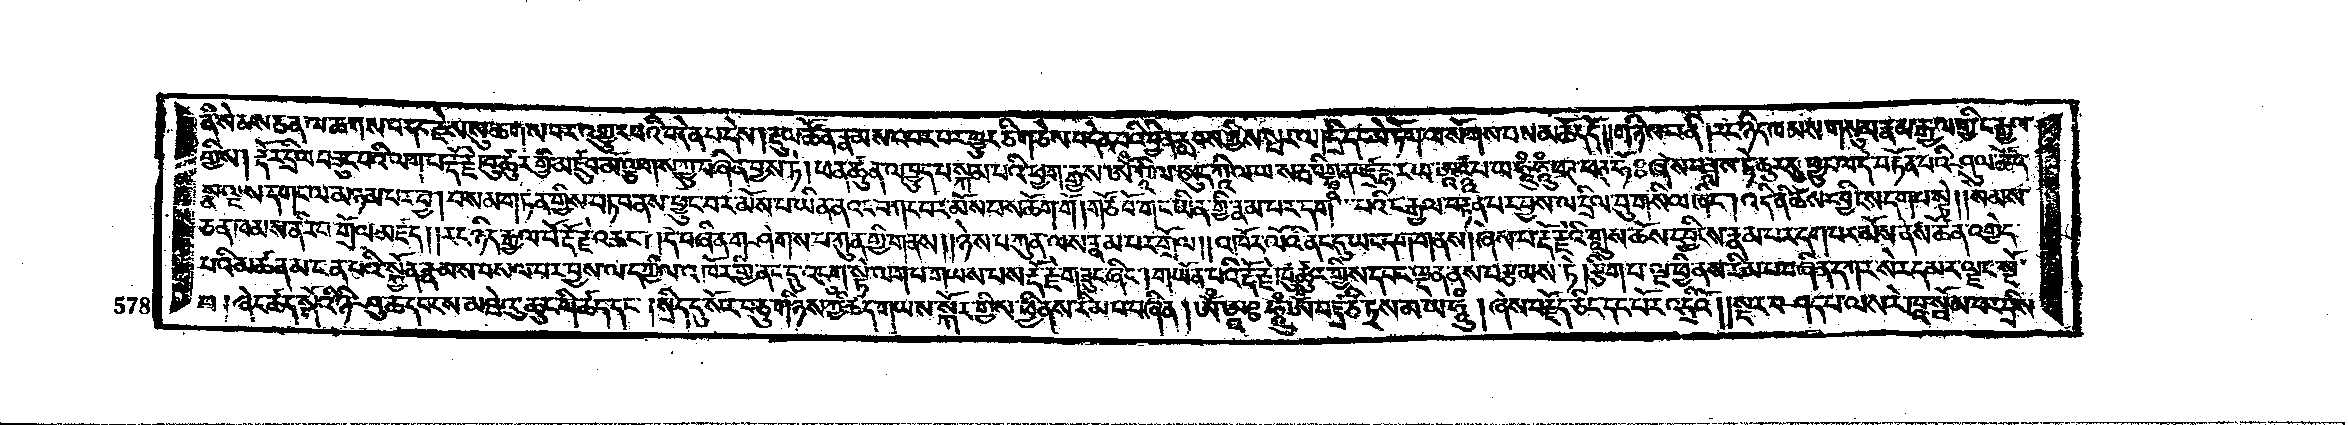ནི་སེམས་ཅན་ལ་ཆགས་པ་དང་རྗེས་སུ་ཆགས་པར་འགྱུར་པའི་བདེན་པ་དེས། རྡུལ་ཚོན་རྣམས་འབར་བར་གྱུར་ཅིག་ཅེས་བདེན་པའི་བྱིན་རླབས་ཀྱིས་སྤར་ལ། དྲི་དང་མེ་ཏོག་ལ་སོགས་པས་མཆོད་དོ། །གཉིས་པ་ནི། རང་ཉིད་ཁམས་གསུམ་རྣམ་རྒྱལ་གྱི་ང་རྒྱལ་
གྱིས། རྡོར་དྲིལ་བཟུང་བའི་ལག་པ་རྡོ་རྗེ་ཁུ་ཚུར་གྱི་མཛུབ་མོ་ལྕགས་ཀྱུ་བཞིན་བྱས་ཏེ། ཕན་ཚུན་འཁྱུད་པ་སྐམ་པའི་ཕྱག་རྒྱས་ཨོཾ་ཀཱི་ལ་ཨུད་ཀཱི་ལ་ཡ་སརྦ་བིགྷྣན་བཛྲ་དྷ་ར་ཡ་ཨཱ་ཛྙ་པ་ཡ་ཧཱུཾ་ཧཱུཾ་ཕཊ་ཕཊ་ཧོཿ ཞེས་བཟླས་ཏེ་ཕུར་བུ་བྱུང་ལ་དེ་བཏོན་པའི་ཤུལ་ཚོན་
སྣ་ལྔས་དགང་ལ་མཉམ་པར་བྱ། བསམ་གཏན་གྱིས་བཏབ་ནས་ཕྱུང་བར་མོས་པ་ཡིན་ནའང་བཀང་བར་མོས་པས་ཆོག་གོ །གཙོ་བོ་གང་ཡིན་གྱི་རྣམ་པར་དག་པའི་ང་རྒྱལ་བརྟན་པར་བྱས་ལ་དྲིལ་བུ་གསིལ་ཞིང་། འདི་ནི་ཆོས་དབྱིངས་དག་པ་སྟེ། །སེམས་
ཅན་ཁམས་ནི་རབ་གྲོལ་མཛད། །རང་ཉིད་རྒྱལ་པོ་རྡོ་རྗེ་འཆང་། །དེ་བཞིན་གཤེགས་པ་ཀུན་གྱི་གནས། །ཉེས་པ་ཀུན་ལས་རྣམ་པར་གྲོལ། །འཁོར་ལོའི་ནང་དུ་ཡང་དག་གནས། ཞེས་པ་རྡོ་རྗེའི་གླུས་ཆོས་དབྱིངས་རྣམ་པར་དག་པར་མོས་ནས་ཚོན་འགྱེད་
པའི་མཚན་མ་ངན་པའི་སྐྱོན་རྣམས་བསལ་བར་བྱས་ལ་དཀྱིལ་འཁོར་གྱི་ནང་དུ་འདུག་སྟེ་ལག་པ་གཡས་པས་རྡོ་རྗེ་གཟུང་ཞིང་། གཡོན་པའི་རྡོ་རྗེ་ཁུ་ཚུར་གྱིས་དབང་ལྡན་ནས་བརྩམས་ཏེ། རྩིག་པ་ལྔ་ཕྱི་ནས་རིམ་པ་བཞིན་དཀར་སེར་དམར་ལྗང་སྔོ་
བ། ཞིང་ཚད་སྒོའི་ཉི་ཤུ་ཆ་དཔངས་མཐེའུ་ཆུང་གི་ཚད་དང་། སྲིད་དུ་སོར་བཅུ་གཉིས་ཀྱི་ཚད་གཡས་སྐོར་གྱིས་ཕྱི་ནས་རིམ་པ་བཞིན། ཨོཾ་ཨཱཿ ཧཱུཾ་ཨོཾ་བཛྲ་ཙི་ཏྲ་ས་མ་ཡ་ཧཱུཾ། ཞེས་བརྗོད་ཅིང་དྲང་པོར་འདྲིའོ། །སྔར་བཤད་པ་ལས་རེ་ཁཱ་སྒོམ་?་པར་བྲིས་